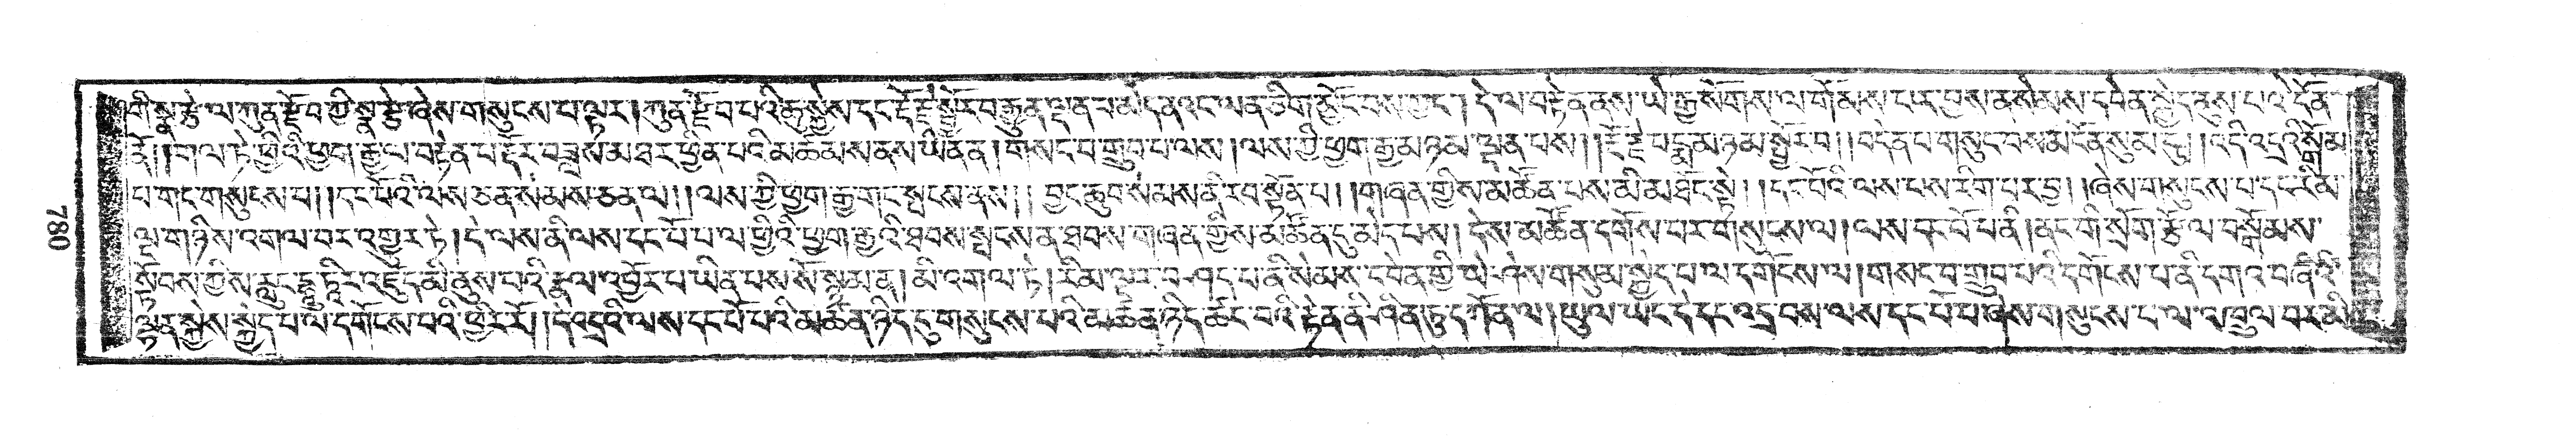གི་སྣ་རྩེ་ལ་ཀུན་རྫོབ་ཀྱི་སྣ་རྩེ་ཞེས་གསུངས་པ་ལྟར། ཀུན་རྫོབ་པའི་ཆུ་སྐྱེས་དང་རྡོ་རྗེ་སྦྱོར་བ་རྒྱུན་ལྡན་པ་མེད་ནའང་ལན་ཅིག་མྱོང་བས་ཀྱང་། དེ་ལ་བརྟེན་ནས་ཡེ་རྒྱ་སོགས་ལ་གོམས་པར་བྱས་ན་སེམས་དབེན་སྐྱེད་ནུས་པའི་དོན་
ནོ། །གལ་ཏེ་ཕྱིའི་ཕྱག་རྒྱ་ལ་བརྟེན་པ་རྡོར་བཟླས་མཐར་ཕྱིན་པའི་མཚམས་ནས་ཡིན་ན། གསང་བ་གྲུབ་པ་ལས། ལས་ཀྱི་ཕྱག་རྒྱ་མཉམ་ལྡན་པས། །རྡོ་རྗེ་པདམ་མཉམ་སྦྱོར་བ། །བདེན་པ་གསུང་བས་མངོན་སུམ་དུ། །འདི་འདྲའི་སྒོམ་
པ་གང་གསུངས་པ། །དང་པོའི་ལས་ཅན་སེམས་ཅན་ལ། །ལས་ཀྱི་ཕྱག་རྒྱ་གང་སྤངས་ནས། །བྱང་ཆུབ་སེམས་ནི་རབ་སྟོན་པ། །གཞན་གྱིས་མཚོན་པས་མི་མཐོང་སྟེ། །དང་པོའི་ལས་པས་རིག་པར་བྱ། །ཞེས་གསུངས་པ་དང་རིམ་
ལྔ་གཉིས་འགལ་བར་འགྱུར་ཏེ། དེ་ལས་ནི་ལས་དང་པོ་པ་ལ་ཕྱིའི་ཕྱག་རྒྱའི་ཐབས་སྤངས་ན་ཐབས་གཞན་གྱིས་མཚོན་དུ་མེད་པས། དེས་མཚོན་དགོས་པར་གསུངས་ལ། ལས་དང་པོ་པ་ནི། ནང་གི་སྲོག་རྩོལ་བསྒོམས་
སྟོབས་ཀྱིས་རླུང་དྷཱུ་ཏཱིར་འཇུད་མི་ནུས་པའི་རྣལ་འབྱོར་པ་ཡིན་པས་སོ་སྙམ་ན། མི་འགལ་ཏེ། རིམ་ལྔར་བཤད་པ་ནི་སེམས་དབེན་གྱི་ཡེ་ཤེས་གསུམ་སྐྱེད་པ་ལ་དགོངས་ལ། གསང་བ་གྲུབ་པའི་དགོང་པ་ནི་དགའ་བཞིའི་
ལྷན་སྐྱེས་སྐྱེད་པ་ལ་དགོངས་པའི་ཕྱིར་རོ། །དེ་འདྲའི་ལས་དང་པོ་པའི་མཚན་ཉིད་དུ་གསུངས་པའི་མཚན་ཉིད་ཚང་བའི་རྟེན་ནི་ཤིན་ཏུ་དཀོན་ལ། ཡུལ་ཡང་དེ་དང་འདྲ་བས་ལས་དང་པོ་པ་ཞེས་གསུངས་པ་ལ་འཁྲུལ་བར་མི་